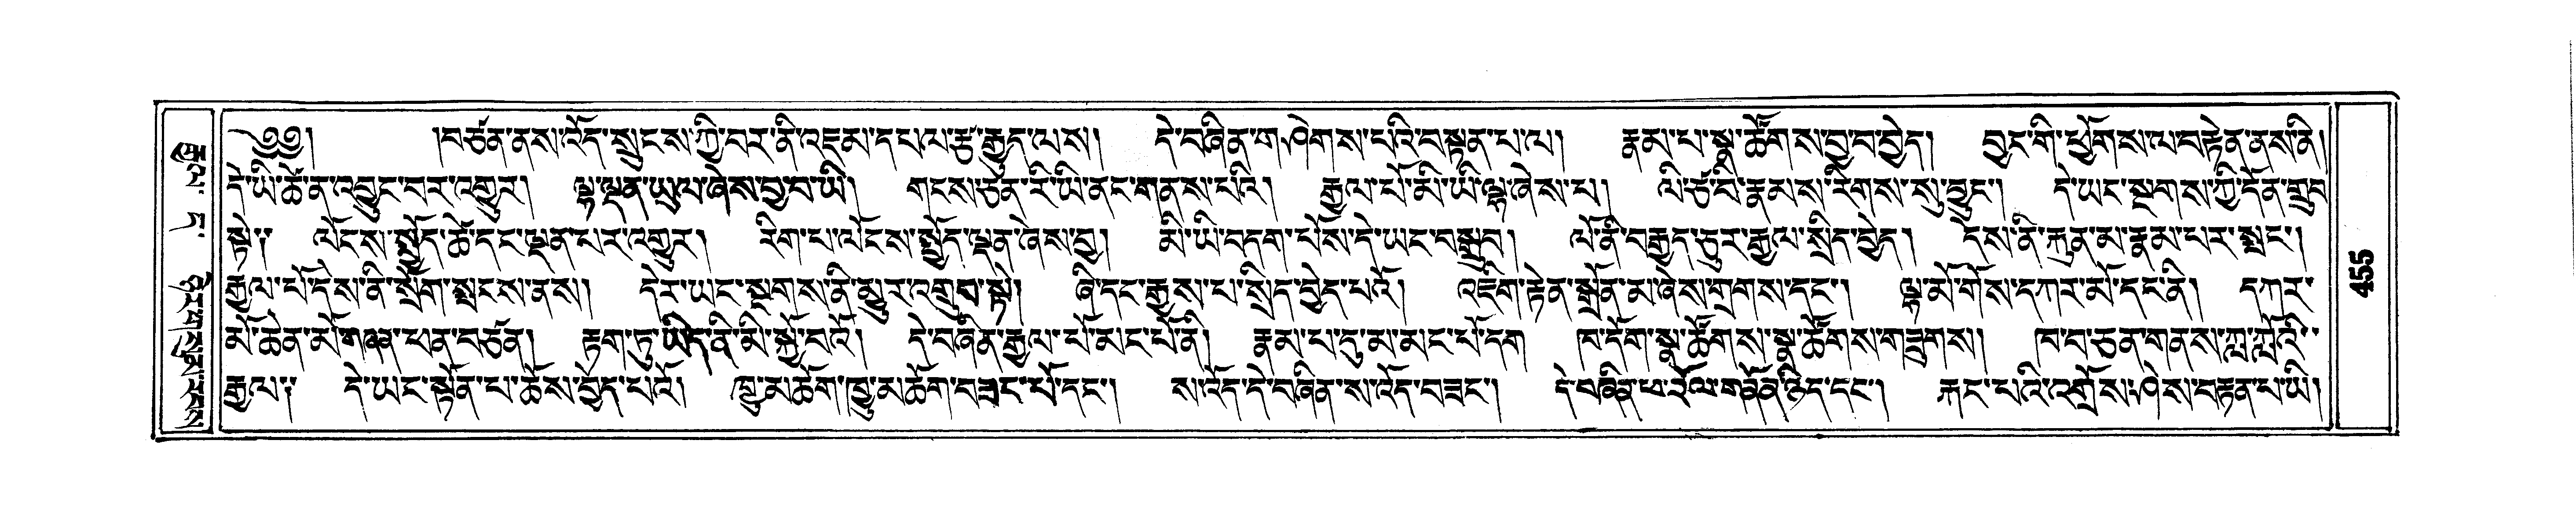༄༅། །བཙན་ནས་འོད་སྲུངས་ཀྱི་བར་ནི་འཇམ་དཔལ་རྩ་རྒྱུད་ལས། དེ་བཞིན་གཤེགས་པའི་བསྟན་པ་ལ། རྣམ་པ་སྣ་ཚོགས་བྱ་བ་བྱེད། བྱང་གི་ཕྱོགས་ལ་བརྟེན་ནས་ནི།
དེ་ཡི་ཚེ་ན་འབྱུང་བར་འགྱུར། །ལྷ་ལྡན་ཡུལ་ཞེས་བྱ་བ་ཡི། གངས་ཅན་རི་ཡི་ནང་གནས་པའི། རྒྱལ་པོ་མི་ཡི་ལྷ་ཞེས་པ། ལི་ཙ་བི་རྣམས་རིགས་སུ་བྱུང་། དེ་ཡང་སྔགས་ཀྱི་དོན་གྲུབ་
སྟེ༑ ལོངས་སྤྱོད་ཚེ་དང་ལྡན་པར་འགྱུར། །རིག་པ་ལོངས་སྤྱོད་ལྡན་ཞེས་བྱ། མི་ཡི་བདག་པོས་དེ་ཡང་བསྒྲུབ། ལོ་ནི་བརྒྱད་ཅུར་རྒྱལ་སྲིད་བྱེད། དེས་ནི་རྐུན་མ་རྣམ་པར་སྤང་།
རྒྱལ་པོ་དེས་ནི་སྲོག་སྤངས་ནས། དེར་ཡང་སྔགས་ནི་མྱུར་འགྲུབ་སྟེ། ཞི་དང་རྒྱས་པ་སྲིད་བྱེད་པའོ། འཇིག་རྟེན་སྒྲོན་མ་ཞེས་གྲགས་དང་། ལྷ་མོ་གོས་དཀར་མོ་དང་ནི། དཀར་
མོ་ཆེན་མོ་གཞན་ཕན་བཙན། རྟག་ཏུ་ཡིད་ནི་མི་སྐྱོ་བའོ། །དེ་བཞིན་རྒྱལ་པོ་མང་པོ་ནི། །རྣམ་པ་དུ་མ་མང་པོ་དག་ཁ་དོག་སྣ་ཚོགས་སྣ་ཚོགས་གཟུགས། ཁ་བ་ཅན་གནས་ཀླ་ཀློའི་
རྒྱལ༑ དེ་ཡང་སྟོན་པ་ཆོས་བྱེད་པའོ། ཁྱུ་མཆོག་ཁྱུ་མཆོག་བཟང་པོ་དང་། ས་འོད་དེ་བཞིན་ས་འོད་བཟང་། དེ་བཞིན་ཕ་རོལ་གནོན་ཉིད་དང་། རྐང་པའི་འགྲོས་ཤེས་བརྟན་པ་ཡི།